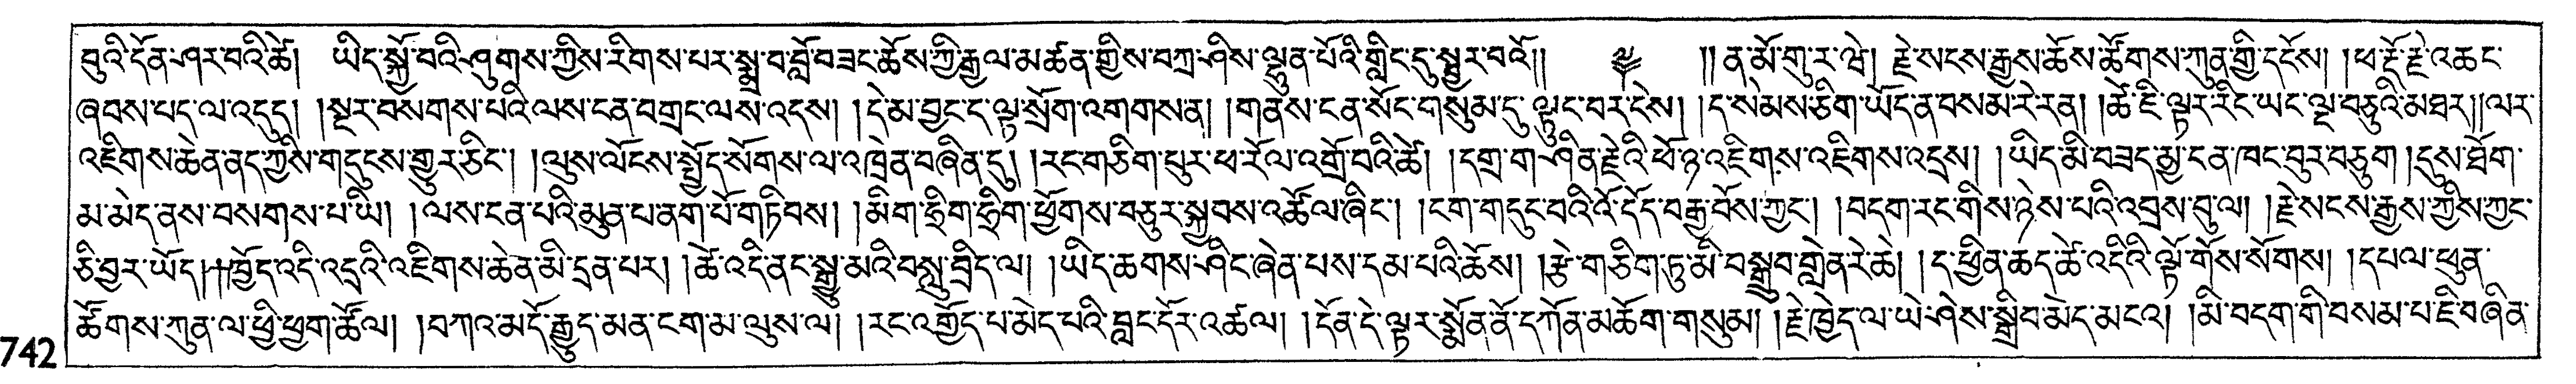བུའི་དོན་ཤར་བའི་ཚེ། ཡིད་སྐྱོ་བའི་ཤུགས་ཀྱིས་རིགས་པར་སྨྲ་བ་བློ་བཟང་ཆོས་ཀྱི་རྒྱལ་མཚན་གྱིས་བཀྲ་ཤིས་ལྷུན་པོའི་གླིང་དུ་སྦྱར་བའོ།། ༈ །།ན་མོ་གུ་ར་ཝེ། རྗེ་སངས་རྒྱས་ཆོས་ཚོགས་ཀུན་གྱི་དངོས། །ཕ་རྡོ་རྗེ་འཆང་
ཞབས་པད་ལ་འདུད། །སྔར་བསགས་པའི་ལས་ངན་བགྲང་ལས་འདས། །དེ་མ་བྱང་ད་ལྟ་སྲོག་འགགས་ན། །གནས་ངན་སོང་གསུམ་དུ་ལྟུང་བར་ངེས། །ད་སེམས་ཅིག་ཡོད་ན་བསམ་རེ་རན། །ཚེ་ཇི་ལྟར་རིང་ཡང་ལྔ་བཅུའི་མཐར། །ལར་
འཇིགས་ཆེན་ནད་ཀྱིས་གདུངས་གྱུར་ཅིང་། །ལུས་ལོངས་སྤྱོད་སོགས་ལ་འཁྲེན་བཞིན་དུ། །རང་གཅིག་པུར་ཕ་རོལ་འགྲོ་བའི་ཚེ། །དགྲ་གཤིན་རྗེའི་ཕོ་ཉ་འཇིགས་འཇིགས་འདྲས། །ཡིད་མི་བཟད་མྱ་ངན་ཁང་བུར་བཅུག །དུས་ཐོག་
མ་མེད་ནས་བསགས་པ་ཡི། །ལས་ངན་པའི་མུན་པ་ནག་པོ་གཏིབས། །མིག་ཧྲིག་ཧྲིག་ཕྱོགས་བཅུར་སྐྱབས་འཚོལ་ཞིང་། །ངག་གདུང་བའི་འོ་དོད་བརྒྱ་བོས་ཀྱང་། །བདག་རང་གིས་ཉེས་པའི་འབྲས་བུ་ལ། །རྗེ་སངས་རྒྱས་ཀྱིས་ཀྱང་
ཅི་བྱར་ཡོད། །ཁྱོད་འདི་འདྲའི་འཇིགས་ཆེན་མི་དྲན་པར། །ཚེ་འདི་ནང་སྒྱུ་མའི་བསླུ་བྲིད་ལ། །ཡིད་ཆགས་ཤིང་ཞེན་པས་དམ་པའི་ཆོས། །རྩེ་གཅིག་ཏུ་མི་བསྒྲུབ་གླེན་རེ་ཆེ། །ད་ཕྱིན་ཆད་ཚེ་འདིའི་ལྟོ་གོས་སོགས། །དཔལ་ཕུན་
ཚོགས་ཀུན་ལ་ཕྱི་ཕྱག་ཚོལ། །བཀའ་མདོ་རྒྱུད་མན་ངག་མ་ལུས་ལ། །རང་འགྱོད་པ་མེད་པའི་བླང་དོར་འཚལ། །དོན་དེ་ལྟར་སྨོན་ནོ་དཀོན་མཆོག་གསུམ། །རྗེ་ཁྱེད་ལ་ཡེ་ཤེས་སྒྲིབ་མེད་མངའ། །མི་བདག་གི་བསམ་པ་ཇི་བཞིན་